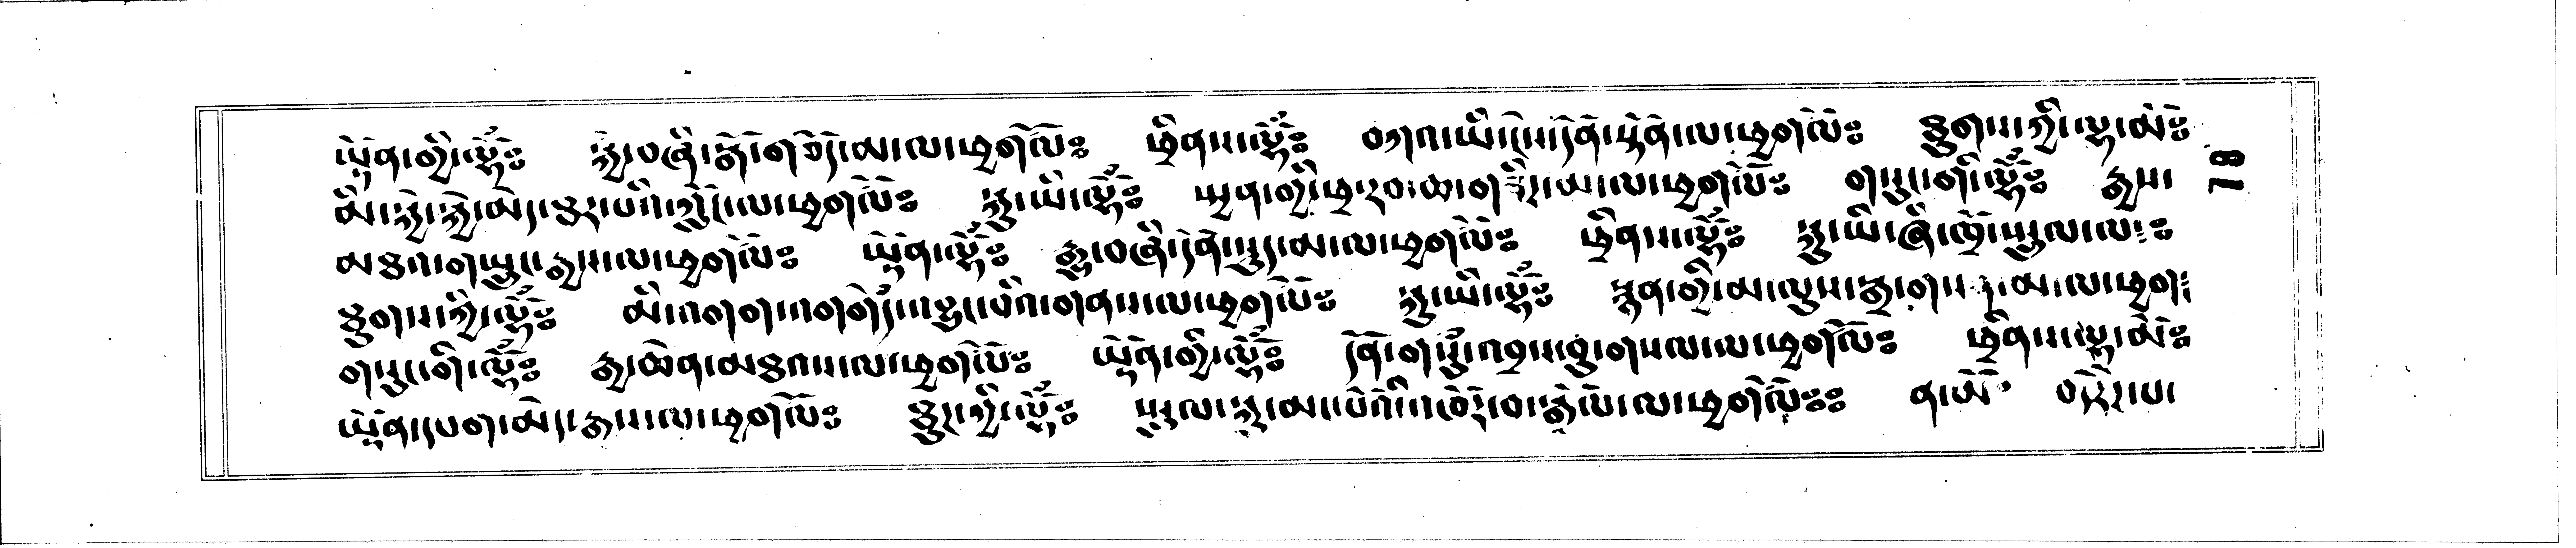ཡོན་ཏན་གྱི་ལྷ་མོཿ སྐྱེ་བཞི་སྒོ་གཅོད་མ་ལ་ཕྱག་འཚལ་ལོཿ ཕྲིན་ལས་ཀྱི་ལྷ་མོཿ བཀའ་ཡི་ངེས་དོན་སྟོན་ལ་ཕྱག་འཚལ་ལོཿ ཐུགས་ཀྱི་ལྷ་མོཿ 
མི་སྐྱེ་སྐྱེ་མེད་ཐར་པའི་ཀློང་ལ་ཕྱག་འཚལ་ལོཿ སྐུ་ཡི་ལྷ་མོཿ སྤྱན་གྱི་ཕྲ་རབས་ཆ་གཟིགས་མ་ལ་ཕྱག་འཚལ་ལོཿ གསུང་གི་ལྷ་མོཿ རྒྱས་
མཐའ་གཡུང་དྲུང་རྒྱས་ལ་ཕྱག་འཚལ་ལོཿ ཡོན་ཏན་གྱི་ལྷ་མོཿ རྒྱུ་བཞི་དོན་སྡུད་མ་ལ་ཕྱག་འཚལ་ལོཿ ཕྲིན་ལས་ཀྱི་ལྷ་མོཿ སྐུ་ཡི་ཞི་ཁྲོ་སྤྲུལ་ལ་ཕྱག་འཚལ་ལོཿ 
ཐུགས་ཀྱི་ལྷ་མོཿ མི་འགག་འགག་མེད་འབྱུང་བའི་གནས་ལ་ཕྱག་འཚལ་ལོཿ སྐུ་ཡི་ལྷ་མོཿ སྙན་གྱི་མ་ལུས་སྒྲ་གསན་མ་ལ་ཕྱག་འཚལ་ལོཿ 
གསུང་གི་ལྷ་མོཿ རྒྱ་ཆེན་མཐའ་ཡས་ལ་ཕྱག་འཚལ་ལོཿ ཡོན་ཏན་གྱི་ལྷ་མོཿ དོན་གསུམ་འབྲས་བུ་གསལ་ལ་ཕྱག་འཚལ་ལོཿ ཕྲིན་ལས་ཀྱི་ལྷ་མོཿ
 ཡོན་ཏན་དཔག་མེད་རྒྱས་ལ་ཕྱག་འཚལ་ལོཿ ཐུགས་ཀྱི་ལྷ་མོཿ སྤྲུལ་སྐུ་མང་པོས་འཁོར་བ་སྒྲོལ་ལ་ཕྱག་འཚལ་ལོཿ ན་མོ་བདེ་བར་གཤེགས་པ་